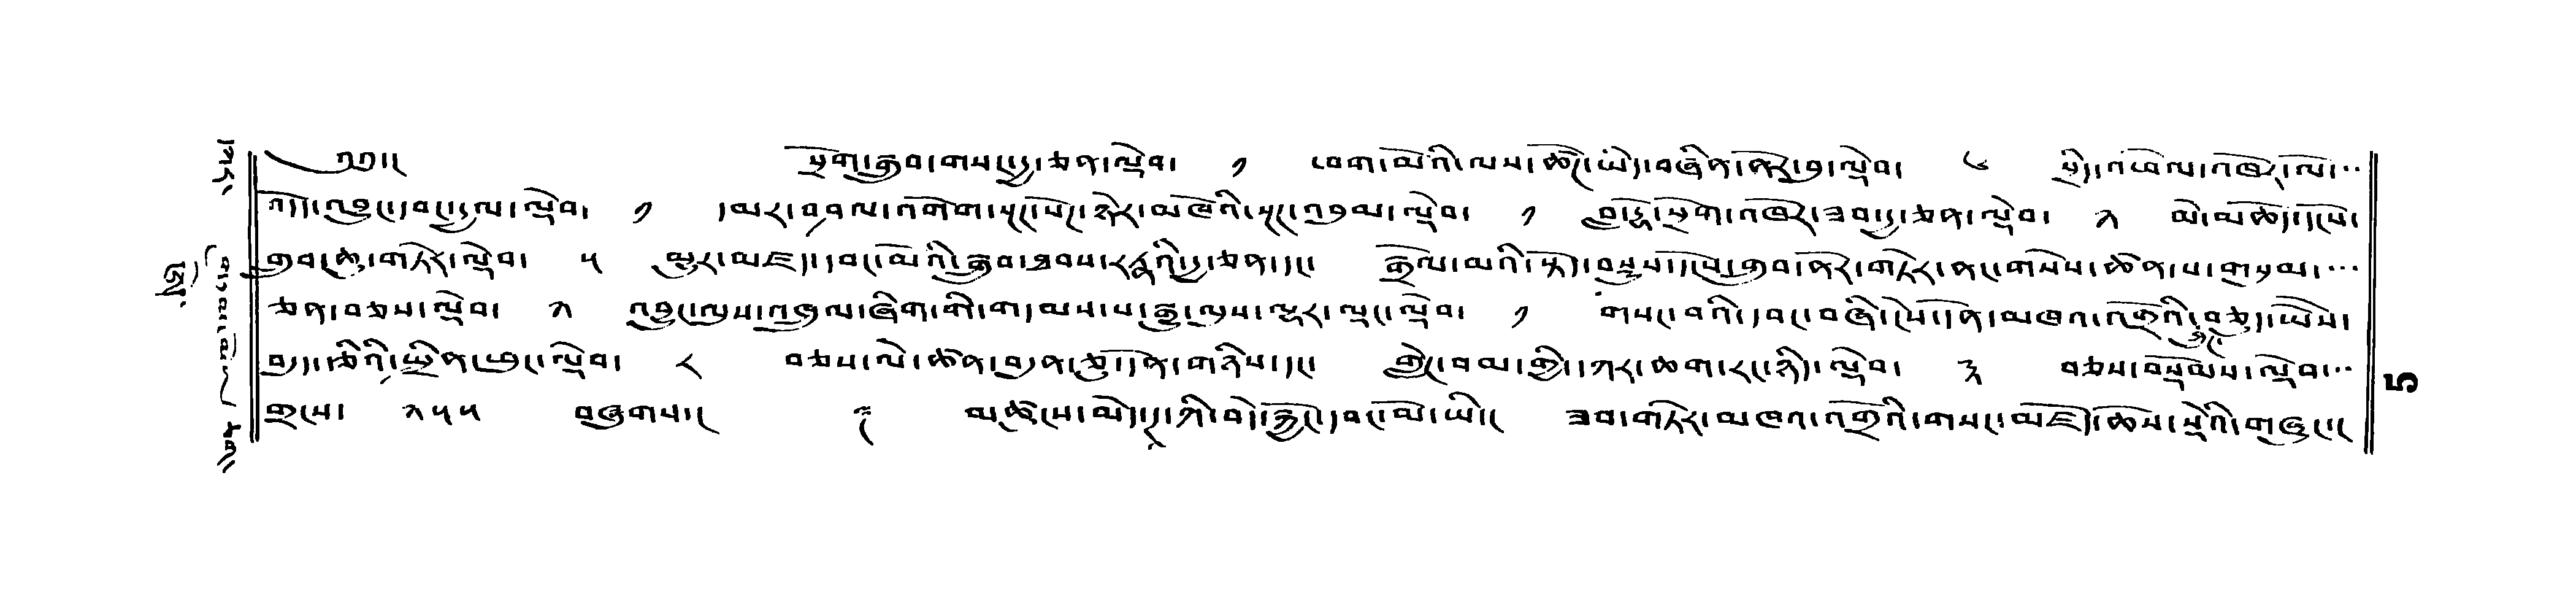སྲོག་སྒྲུབ་གསང་རྒྱ་ཅན་ལྡེབ། ཕག་མོའི་ལས་ཚོགས་ཡིད་བཞིན་ནོར་བུ་ལྡེབ། སྲིད་འཕེལ་འཁོར་ལོ་
འདོད་འབྱུང་དབང་རྒྱལ་ལྡེབ། དམར་བཤལ་འགོག་སྔགས་སོགས་ཉེར་མཁོའི་སྔགས་འབུམ་ལྡེབ། བླ་རྡོ་སྲོག་འཁོར་ཟབ་རྒྱ་ཅན་ལྡེབ། མེ་མཆོད་དངོས་
གྲུབ་ཆུ་གཏེར་ལྡེབ། མྱུར་མཛད་དབང་མོའི་སྒྲུབ་ཐབས་རཏྣའི་རྒྱ་ཅན་དང་།སྒྲོལ་མའི་བསྟོད་བསྡུས་དངོས་གྲུབ་ནོར་གཏེར་ནང་གསེས་ཚན་པ་གསུམ་
ཅན་བཅས་ལྡེབ། འབྱུང་ལུས་འཁྲུལ་ཞིག་གི་གདམས་པ་སྒྱུ་ལུས་ལྷར་ལྡང་ལྡེབ། གསང་བའི་དབང་བཞི་ངེས་དོན་མཁའ་འགྲོའི་ཐུགས་བཅུད་ཡེ་ཤེས་
བདུད་རྩིའི་སྤྲིན་ཕུང་ལྡེབ། བཅས་ལེ་ཚན་བདུན་ཅུ་དོན་གཉིས་དང་། གླེགས་བམ་གྱི་དཀར་ཆག་རང་ཉིད་ལྡེབ། བཅས་བསྡོམས་ལྡེབ་
གྲངས་བཞུགས་སོ།། མཚུངས་མེད་ཌཱ་ཀི་བདེ་སྐྱོང་དབང་མོ་ཡི། །ཟབ་གཏེར་མཁའ་འགྲོའི་གསང་མཛོད་ཆོས་སྡེའི་གཞུང་།